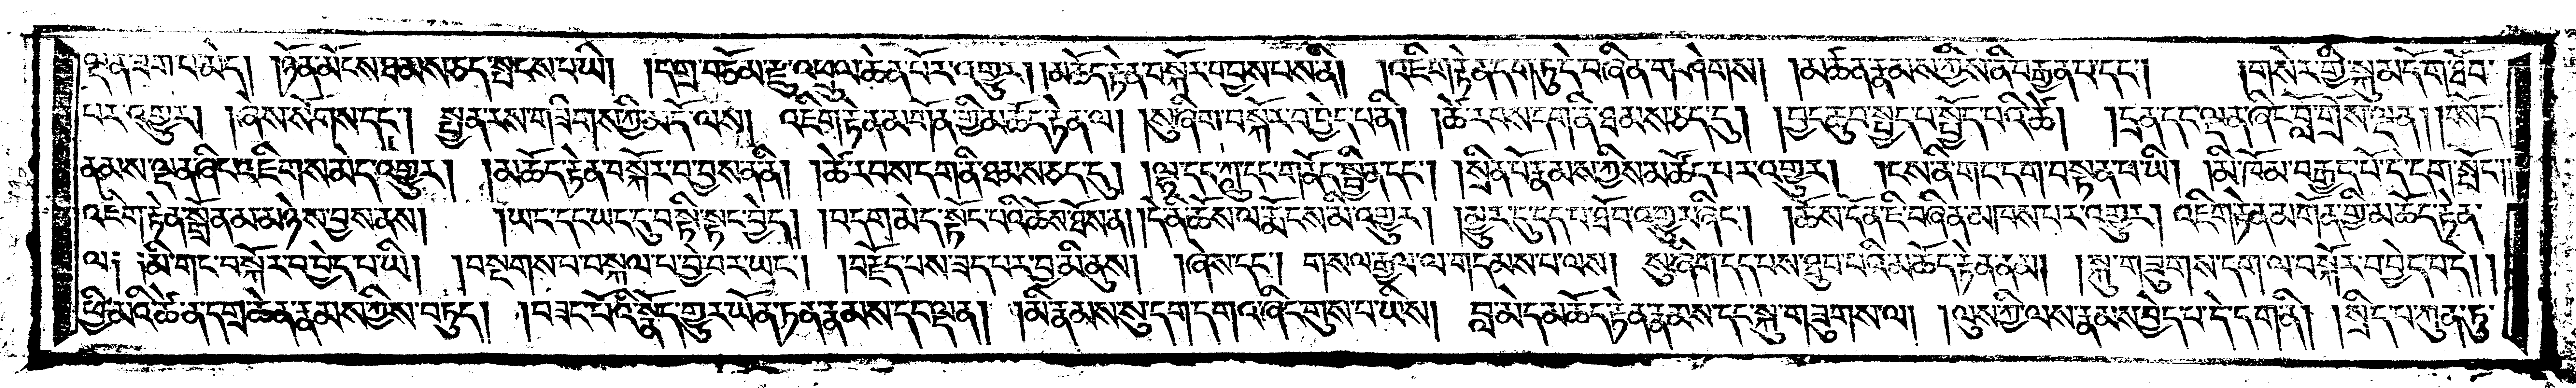ལྡན་ཟག་པ་མེད། །ཉོན་མོངས་ཐམས་ཅད་སྤངས་པ་ཡི། །དགྲ་བཅོམ་རྫུ་འཕྲུལ་ཆེན་པོར་འགྱུར། །མཆོད་རྟེན་བསྐོར་བ་བྱས་པས་ནི། །འཇིག་རྟེན་དག་ཏུ་དེ་བཞིན་གཤེགས། །མཚན་རྣམས་ཀྱིས་ནི་བརྒྱན་པ་དང་། །གསེར་གྱི་སྐུ་མདོག་ཐོབ་
པར་འགྱུར། །ཞེས་སོགས་དང་། སྤྱན་རས་གཟིགས་ཀྱི་མདོ་ལས། འཇིག་རྟེན་མགོན་གྱི་མཆོད་རྟེན་ལ། །སུ་ཞིག་བསྐོར་བ་བྱེད་པ་ནི། །ཚེ་རབས་དག་ནི་ཐམས་ཅད་དུ། །བྱང་ཆུབ་སྤྱད་པ་སྤྱོད་པའི་ཚེ། །དྲན་དང་ལྡན་ཞིང་བློ་གྲོས་ལྡན། །བསོད་
ནམས་ལྡན་ཞིང་འཇིགས་མེད་འགྱུར། །མཆོད་རྟེན་བསྐོར་བ་བྱས་ན་ནི། །ཚེ་རབས་དག་ནི་ཐམས་ཅད་དུ། །ལྷ་དང་ཀླུ་དང་གནོད་སྦྱིན་དང་། །སྲིན་པོ་རྣམས་ཀྱིས་མཚོད་པར་འགྱུར། །ངས་ནི་གང་དག་བསྟན་པ་ཡི། །མི་ཁོམ་བརྒྱད་པོ་དེ་དག་སྤོང་
འཇིག་རྟེན་སྒྲོན་མ་མཉེས་བྱས་ནས། །ཡང་དང་ཡང་དུ་བསྟི་སྟང་བྱེད། །བདག་མེད་སྟོང་པའི་ཆོས་ཐོས་ན། །དེ་ནི་ཆོས་ལ་རྨོངས་མི་འགྱུར། །མྱུར་དུ་དད་པ་ཐོབ་འགྱུར་ཞིང་། །ཆོས་དོན་ཇི་བཞིན་མཁས་པར་འགྱུར། །འཇིག་རྟེན་མགོན་གྱི་མཆོད་རྟེན་
ལ༑ ༑མི་གང་བསྐོར་བ་བྱེད་པ་ཡི། །བསྔགས་བ་བསྐལ་བ་བྱེ་བར་ཡང་། །བརྗོད་པས་ཟད་པར་བྱ་མི་ནུས། །ཞེས་དང་། གསལ་རྒྱལ་ལ་གདམས་པ་ལས། སུ་ཞིག་དད་པས་ཐུབ་པའི་མཆོད་རྟེན་ནམ། །སྐུ་གཟུགས་དག་ལ་བསྐོར་བ་བྱེད་པ་དེ།
ཕྱི་མའི་ཚེ་ན་དགྲ་ཆེན་རྣམས་ཀྱིས་བཏུད། །བཟང་པོའི་སྣོད་གྱུར་ཡོན་ཏན་རྣམས་དང་ལྡན། །མི་རྣམས་དུ་དག་དགའ་ཞིང་གུས་པ་ཡིས། བླ་མེད་མཆོད་རྟེན་རྣམས་དང་སྐུ་གཟུགས་ལ། །ལུས་གྱི་ལས་རྣམས་བྱེད་པ་དེ་དག་ནི། །སྲིད་པ་ཀུན་ཏུ་